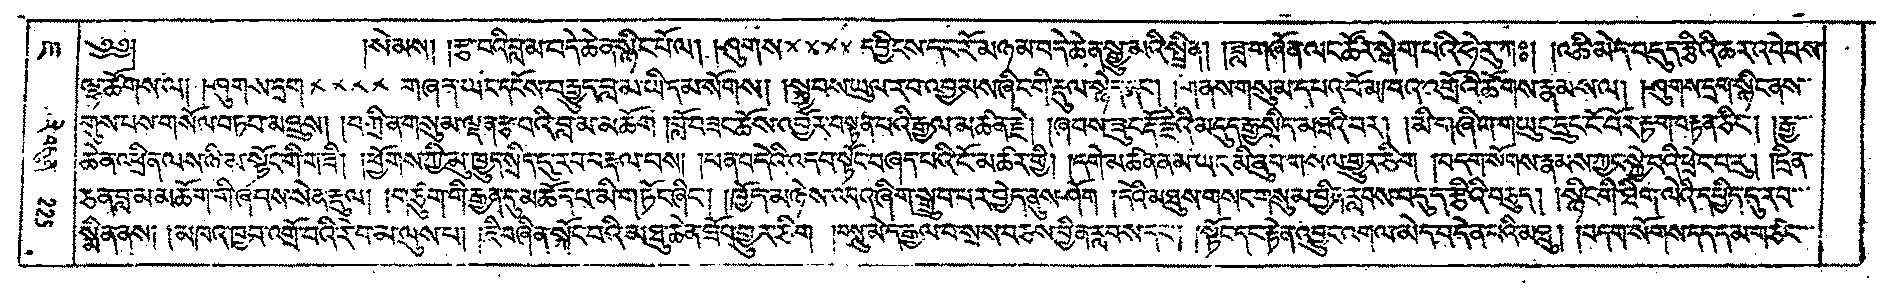༄༅། །སེམས། །རྩ་བའི་བླ་མ་བདེ་ཆེན་སྙིང་པོ་ལ། །ཤུགས་྾་྾་྾་྾་དབྱིངས་དང་རོ་མཉམ་བདེ་ཆེན་སྒྱུ་མའི་སྤྲིན། །ཟླ་གཞོན་ལང་ཚོར་སྒེག་པའི་ཧེ་རུ་ཀཿ། །འཆི་མེད་བདུད་རྩིའི་ཆར་འབེབས་
ལྷ་ཚོགས་ལ། །ཤུགས་དྲག་྾་྾་྾་྾་གཞན་ཡང་དངོས་བརྒྱུད་བླ་མ་ཡི་དམ་སོགས། །སྐྱབས་ཡུལ་རབ་འབྱམས་ཞིང་གི་རྡུལ་སྙེད་དང་། །གནས་གསུམ་དཔའ་བོ་མཁའ་འགྲོའི་ཚོགས་རྣམས་ལ། །ཤུགས་དྲག་སྙིང་ནས་
གུས་པས་གསོལ་བཏབ་མཐུས། །བཀྲིན་གསུམ་ལྡན་རྩ་བའི་བླ་མ་མཆོག །བློ་བཟང་ཆོས་འབྱོར་བསྟན་པའི་རྒྱལ་མཚན་རྗེ། །ཞབས་ཟུང་རྡོ་རྗེའི་མདུད་རྒྱ་སྲིད་མཐའི་བར། །མི་གཞིག་གཡུང་དྲུང་ངོ་བོར་རྟག་བརྟན་ཅིང་། །རྒྱ་
ཆེན་འཕྲིན་ལས་ཉི་མ་སྟོང་གི་གཟི། །ཕྱོགས་ཀྱི་མུ་ཁྱུད་སྲིད་དུ་རབ་བརྡལ་བས། །ཕན་བདེའི་འདབ་སྟོང་བཞད་པའི་ངོ་མཚར་གྱི། །དགེ་མཚན་ནམ་ཡང་མི་ནུབ་གསལ་གྱུར་ཅིག །བདག་སོགས་རྣམས་ཀྱང་སྐྱེ་བའི་ཕྲེང་བ་རུ། །དྲིན་
ཅན་བླ་མ་མཆོག་གི་ཞབས་སེན་རྡུལ། །གཙུག་གི་རྒྱན་དུ་མཆོད་པ་མི་གཏོང་ཞིང་། །ཁྱོད་མཉེས་འབའ་ཞིག་སྒྲུབ་པར་བྱེད་ནུས་ཤོག །དེའི་མཐུས་གསང་གསུམ་བྱིན་རླབས་བདུད་རྩིའི་བཅུད། །སྙིང་གི་ཐིག་ལེའི་དཔྱིད་དུ་རབ་
སྨིན་ནས། །མཁའ་ཁྱབ་འགྲོ་བའི་རེ་བ་མ་ལུས་པ། །ཇི་བཞིན་སྐོང་བའི་མཐུ་ཆེན་ཐོབ་གྱུར་ཅིག །བསླུ་མེད་རྒྱལ་བ་སྲས་བཅས་བྱིན་རླབས་དང་། །སྟོང་དང་རྟེན་འབྱུང་འགལ་མེད་བདེན་པའི་མཐུ། །བདག་སོགས་དད་དམ་གཙང་